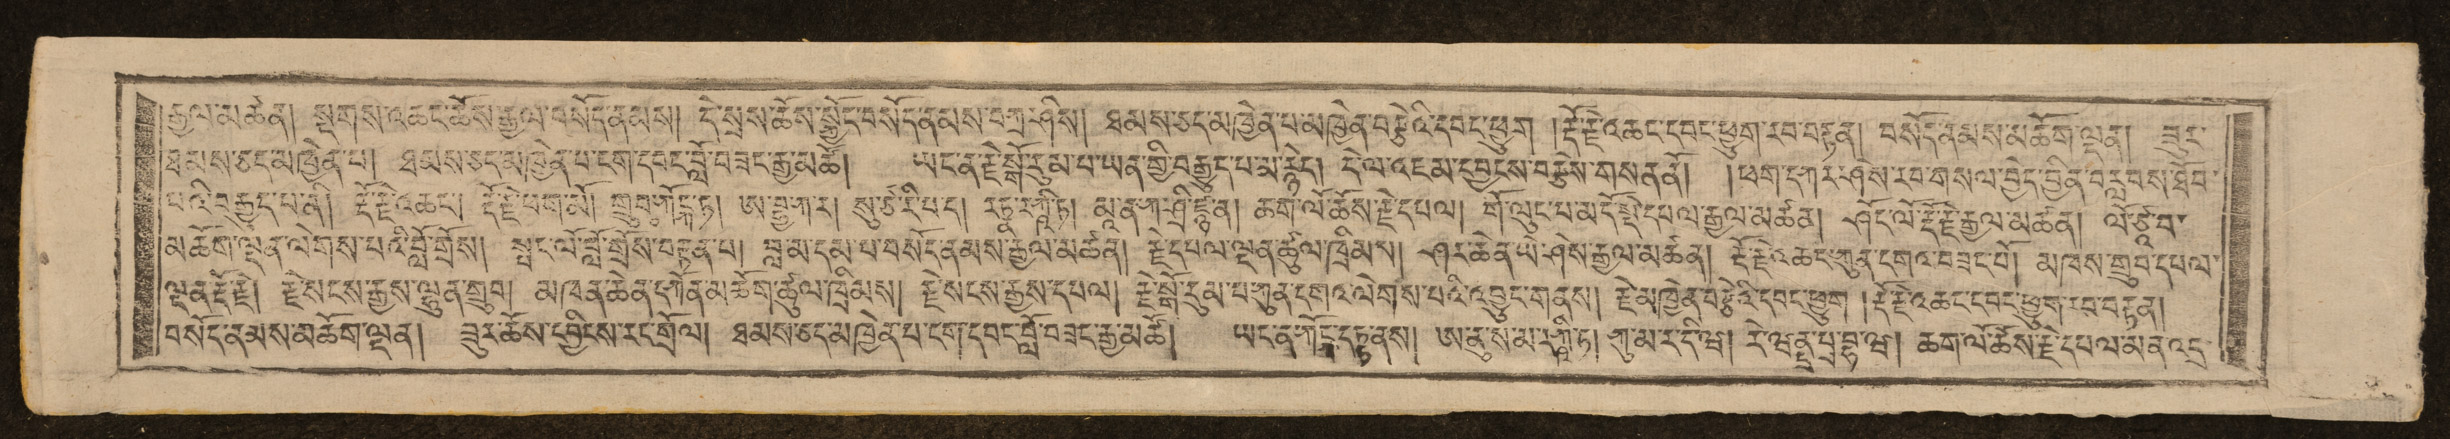རྒྱལ་མཚན། སྔགས་འཆང་ཆོས་རྒྱལ་བསོད་ནམས། དེ་སྲས་ཆོས་སྐྱོད་བསོད་ནམས་བཀྲ་ཤིས། ཐམས་ཅད་མཁྱེན་པ་མཁྱེན་བརྩེའི་དབང་ཕྱུག །རྡོ་རྗེ་འཆང་དབང་ཕྱུག་རབ་བརྟན། བསོད་ནམས་མཆོག་ལྡན། ཟུར་
ཐམས་ཅད་མཁྱེན་པ། ཐམས་ཅད་མཁྱེན་པ་ངག་དབང་བློ་བཟང་རྒྱ་མཚོ། ཡང་ན་རྗེ་སྒོ་རུམ་པ་ཡན་གྱི་བརྒྱུད་པ་མ་རྙེད། དེ་ལ་འཇམ་དབྱངས་བརྩེས་གསན་ནོ། །ཕག་དཀར་ཤེས་རབ་གསལ་བྱེད་བྱིན་བརླབས་ཐོབ་
པའི་བརྒྱུད་པ་ནི། རྡོ་རྗེ་འཆང་། རྡོ་རྗེ་ཕག་མོ། གྲུབ་ཀོངྐ་ཏ། ཨ་བྷྱ་ཀ་རེ། སུ་ཙ་རི་པ་ད། རཏྣ་རཀྵི་ཏ། མཱ་ན་ཀ་ཤྲི་ཛྙ་ན། ཆག་ལོ་ཆོས་རྗེ་དཔལ། གོ་ལུང་པ་མདོ་སྡེ་དཔལ་རྒྱལ་མཚན། ཤོད་ལོ་རྡོ་རྗེ་རྒྱལ་མཚན། ལོ་ཙཱ་བ་
མཆོག་ལྡན་ལེགས་པའི་བློ་གྲོས། སྤང་ལོ་བློ་གྲོས་བརྟན་པ། བླ་མ་དམ་པ་བསོད་ནམས་རྒྱལ་མཚན། རྗེ་དཔལ་ལྡན་ཚུལ་ཁྲིམས། ཤར་ཆེན་ཡེ་ཤེས་རྒྱལ་མཚན། རྡོ་རྗེ་འཆང་ཀུན་དགའ་བཟང་པོ། མཁས་གྲུབ་དཔལ་
ལྡན་རྡོ་རྗེ། རྗེ་སངས་རྒྱས་ལྷུན་གྲུབ། མཁན་ཆེན་དཀོན་མཆོག་ཚུལ་ཁྲིམས། རྗེ་སངས་རྒྱས་དཔལ། རྗེ་སྒོ་རུམ་པ་ཀུན་དགའ་ལེགས་པའི་འབྱུང་གནས། རྗེ་མཁྱེན་བརྩེའི་དབང་ཕྱུག །རྡོ་རྗེ་འཆང་དབང་ཕྱུག་རབ་བརྟན།
བསོད་ནམས་མཆོག་ལྡན། ཟུར་ཆོས་དབྱིངས་རང་གྲོལ། ཐམས་ཅད་མཁྱེད་པ་ངག་དབང་བློ་བཟང་རྒྱ་མཚོ། ཡང་ན་ཀོངྐ་དཏྟ་ནས། ཨ་ནུས་ས་མ་རཀྵི་ཏ། ཀུ་མ་ར་དི་ཝ། རེ་ཝནྡྲ་པྲ་བྷ་ཝ། ཆག་ལོ་ཚེས་རྗེ་དཔལ་མན་འདྲ་